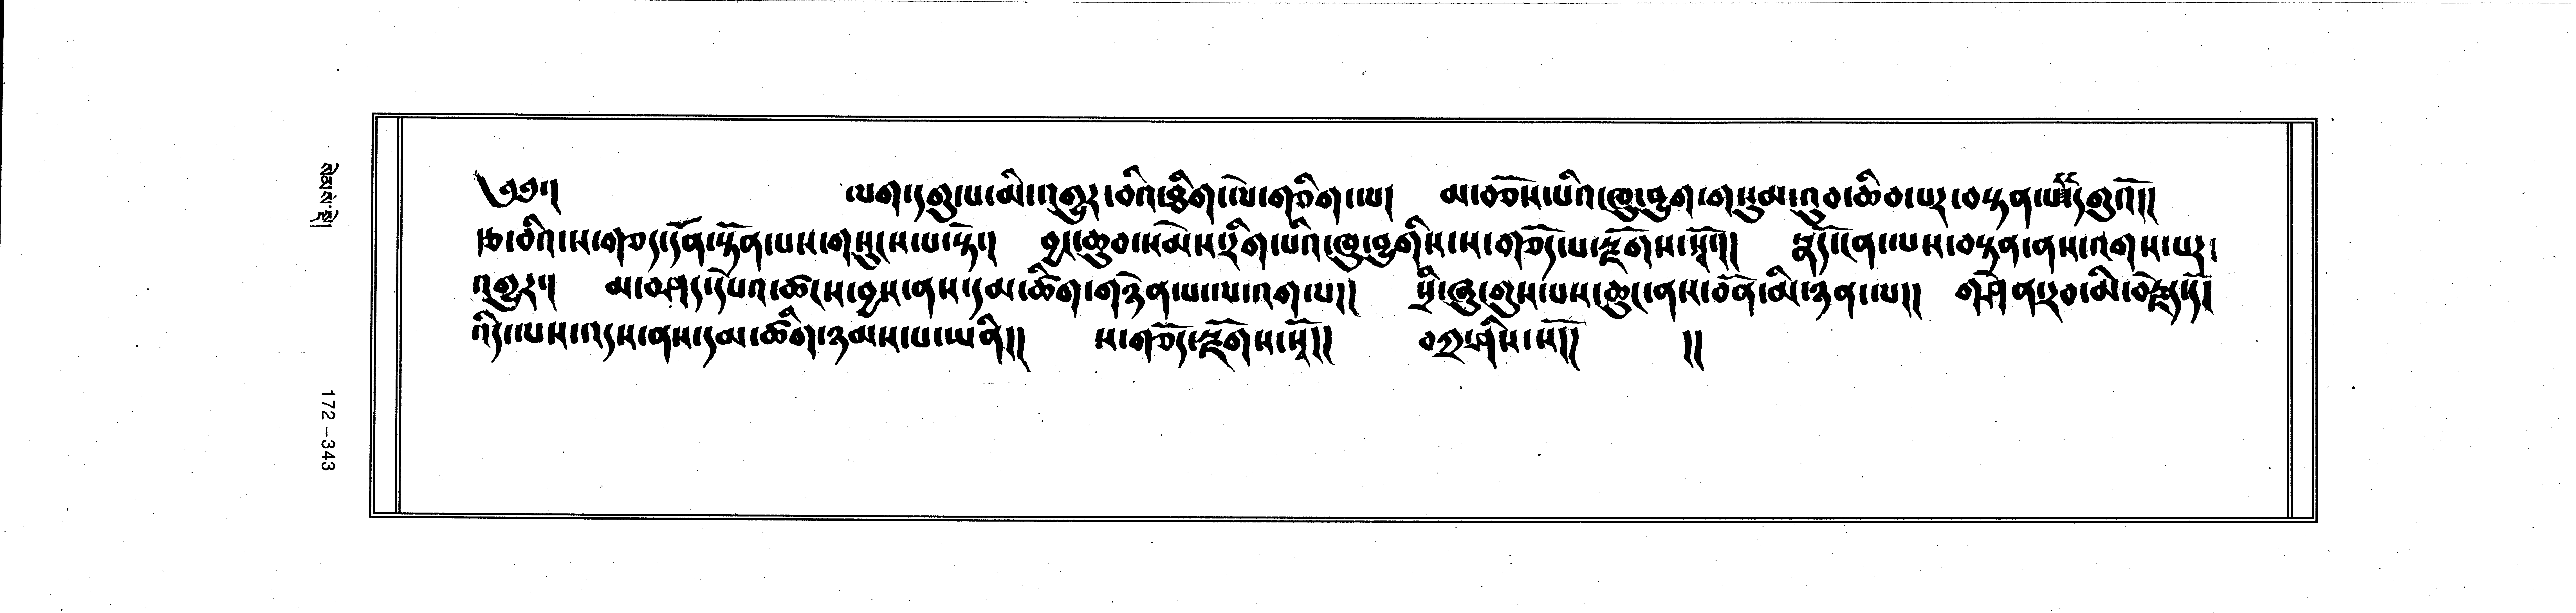ལག་དགུ་པ་མི་འགྱུར་བའི་ཐིག་ལེ་གཅིག་ལ། མ་བཅོས་པའི་ཁུ་བྱུག་གསུམ་འུབ་ཆིབ་པར་བསྟན་པ་དང་དགུའོ། 
རྩ་བའི་ས་གཅད་དོན་སྟོན་པས་གསུངས་པ་སྟེ། བྱང་ཆུབ་སེམས་རིག་པའི་ཁུ་བྱུག་གིས་ས་གཅོད་པ་རྫོགས་སྭོ། སྣོད་ངན་ལས་བསྟན་ནས་འགས་པར་
འགྱུར། མ་བཤད་དཔེའ་ཚངས་བྱས་ནས་དམ་ཚིག་གཉེན་པ་ལ་འགལ། སྲི་ཞུ་གུས་པས་ཆུང་ནས་བོན་མི་ཉན་ལ། གཤེན་རབ་མི་བརྗོད་དོ། 
འདི་ལས་འདས་ནས་དམ་ཚིག་ཉམས་པ་ཡིན། ས་གཅོད་རྫོགས་སྭོ། བཀྲ་ཤིས་སོ།